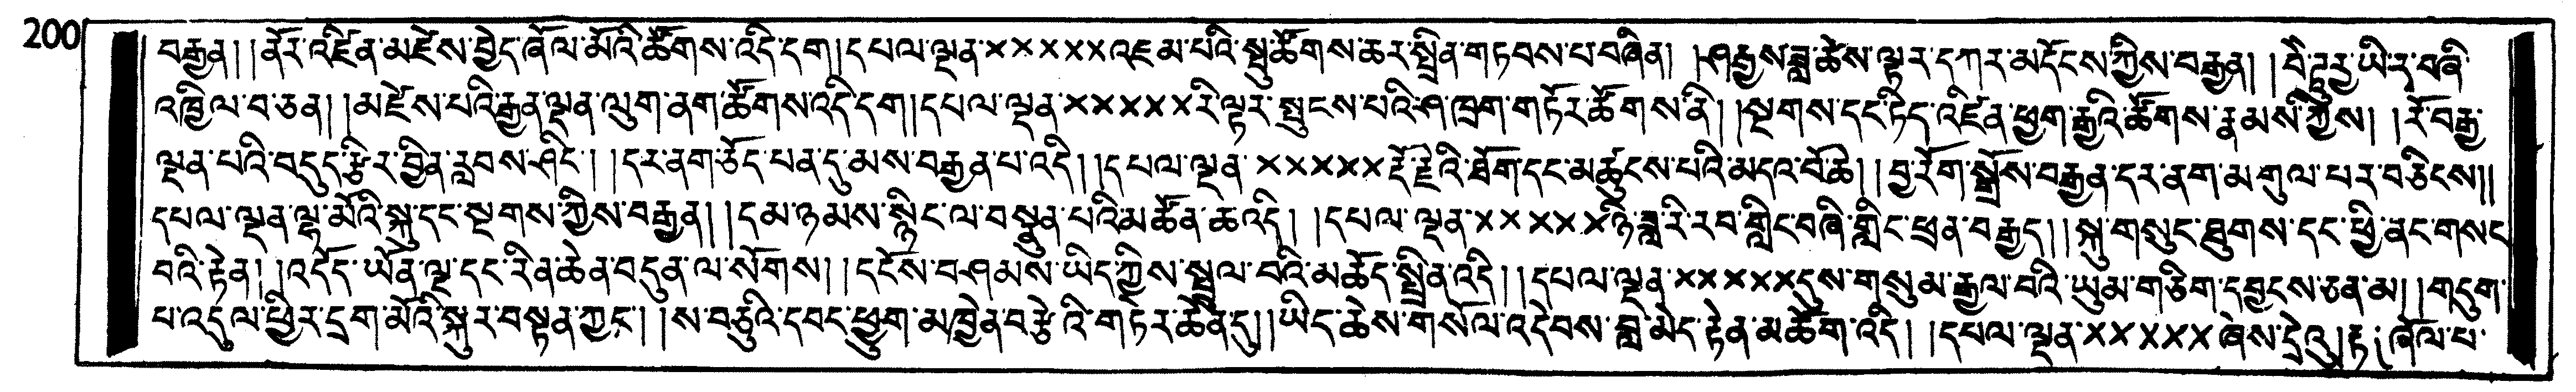བརྒྱན། །ནོར་འཛིན་མཛེས་བྱེད་ཞོལ་མོའི་ཚོགས་འདི་དག །དཔལ་ལྡན་྾྾྾྾྾་འཇམ་པའི་སྤུ་ཚོགས་ཆར་སྤྲིན་གཏབས་པ་བཞིན། །ཤ་རྒྱས་ཟླ་ཚེས་ལྟར་དཀར་མདོངས་ཀྱིས་བརྒྱན། །བཻ་ཌཱུརྱ་ཡི་རྭ་བཞི་
འཁྱིལ་བ་ཅན། །མཛེས་པའི་རྒྱན་ལྡན་ལུག་ནག་ཚོགས་འདི་དག། དཔལ་ལྡན་྾྾྾྾྾་རི་ལྟར་སྤུངས་པའི་ཤ་ཁྲག་གཏོར་ཚོགས་ནི། །སྔགས་དང་ཏིད་འཛིན་ཕྱག་རྒྱའི་ཚོགས་རྣམས་ཀྱིས། །རོ་བརྒྱ་
ལྡན་པའི་བདུད་རྩིར་བྱིན་རླབས་ཤིང་། །དར་ནག་ཅོད་པན་དུ་མས་བརྒྱན་པ་འདི། །དཔལ་ལྡན་྾྾྾྾྾རྡོ་རྗེའི་ཐོག་དང་མཚུངས་པའི་མདའ་བོ་ཆེ། །བྱ་རོག་སྒྲོས་བརྒྱན་དར་ནག་མགུལ་པར་བཅིངས།།
དཔལ་ལྡན་ལྷ་མོའི་སྐུ་དང་སྔགས་ཀྱིས་བརྒྱན། །དམ་ཉམས་སྙིང་ལ་བསྣུན་པའི་མཚོན་ཆ་འདི། །དཔལ་ལྡན་྾྾྾྾྾་ཉི་ཟླ་རི་རབ་གླིང་བཞི་གླིང་ཕྲན་བརྒྱད། །སྐུ་གསུང་ཐུགས་དང་ཕྱི་ནང་གསང་
བའི་རྟེན། །འདོད་ཡོན་ལྔ་དང་རིན་ཆེན་བདུན་ལ་སོགས། །དངོས་བཤམས་ཡིད་ཀྱིས་སྤྲུལ་བའི་མཆོད་སྤྲིན་འདི། །དཔལ་ལྡན་྾྾྾྾྾་དུས་གསུམ་རྒྱལ་བའི་ཡུམ་གཅིག་དབྱངས་ཅན་མ། །གདུག་
པ་འདུལ་ཕྱིར་དྲག་མོའི་སྐུར་བསྟན་ཀྱང་། །ས་བཅུའི་དབང་ཕྱུག་མཁྱེན་བརྩེའི་གཏེར་ཆེན་དུ། །ཡིད་ཆེས་གསོལ་འདེབས་བླ་མེད་རྟེན་མཆོག་འདི། །དཔལ་ལྡན་྾྾྾྾྾་ཞེས་དྲེའུ། རྟ༑ ཞོལ་པ་